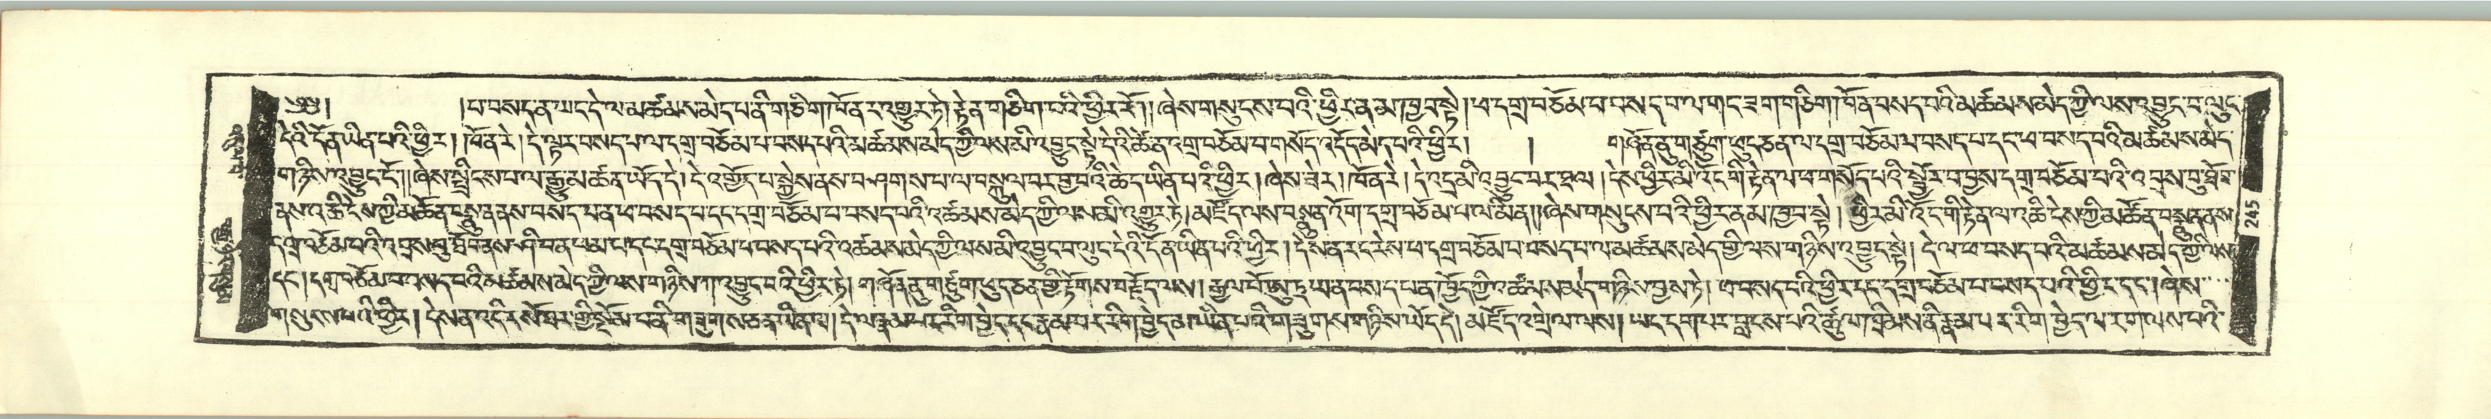༄༅། །པ་བསད་ན་ཡང་དེ་ལ་མཚམས་མེད་པ་ནི་གཅིག་ཁོ་ནར་འགྱུར་ཏེ། རྟེན་གཅིག་པའི་ཕྱིར་རོ། །ཞེས་གསུངས་པའི་ཕྱིར་ན་མ་ཁྱབ་སྟེ། ཕ་དགྲ་བཅོམ་པ་བསད་པ་ལ་གང་ཟག་གཅིག་ཁོ་ན་བསད་པའི་མཚམས་མེད་ཀྱི་ལས་འབྱུང་བ་ལུང་
དེའི་དོན་ཡིན་པའི་ཕྱིར། ཁོ་ན་རེ། དེ་ལྟར་བསད་པ་ལ་དགྲ་བཅོམ་པ་བསད་པའི་མཚམས་མེད་ཀྱི་ལས་མི་འབྱུང་སྟེ་དེའི་ཚེ་ན་འགྲ་བཅོམ་པ་གསོད་འདོད་མེད་པའི་ཕྱིར། །གཞོན་ནུ་གཙུག་ཕུད་ཅན་ལ་དགྲ་བཅོམ་པ་བསད་པ་དང་ཕ་བསད་བའི་མཚམས་མེད་
གཉིས་འབྱུང་ངོ། །ཞེས་སྤྲིངས་པ་ལ་རྒྱུ་མཚན་ཡོད་དེ། དེ་འགྱོད་པ་སྐྱེས་ནས་བཤགས་པ་ལ་བསྐུལ་བར་བྱ་བའི་ཆེད་ཡིན་པའི་ཕྱིར། ཞེས་ཟེར། ཁོ་ན་རེ། དེ་འདྲ་མི་འབྱུང་བར་ཐལ། དེས་ཕྱིར་མི་འོང་གི་རྟེན་ལ་ཕ་གསོད་པའི་སྦྱོར་བ་བྱས་དགྲ་བཅོམ་པའི་འབྲས་བུ་ཐོབ་
ནས་འཆི་ངེས་ཀྱི་མཚོན་བསྣུན་ནས་བསད་པ་ན་ཕ་བསད་པ་དང་དགྲ་བཅོམ་པ་བསད་པའི་འཚམས་མེད་ཀྱི་ལས་མི་འགྱུར་ཏེ། མཛོད་ལས་བསྣུན་འོག་དགྲ་བཅོམ་པ་ལ་མིན། །ཞེས་གསུངས་པའི་ཕྱིར་ན་མ་ཁྱབ་སྟེ། ཕྱིར་མི་འོང་གི་རྟེན་ལ་འཆི་ངེས་ཀྱི་མཚོན་བསྣུན་ནས་
དགྲ་བཅོམ་པའི་འབྲས་བུ་ཐོབ་ནས་ཤི་བ་ན་ཕམ་པ་དང་དགྲ་བཅོམ་པ་བསད་པའི་འཚམས་མེད་ཀྱི་ལས་མི་འབྱུང་བ་ལུང་དེའི་དོན་ཡིན་པའི་ཕྱིར། དེས་ན་རང་རེས་ཕ་དགྲ་བཅོམ་པ་བསད་པ་ལ་མཚམས་མེད་གྱི་ལས་གཉིས་འབྱུང་སྟེ། དེ་ལ་ཕ་བསད་པའི་མཚམས་མེད་ཀྱི་ལས་
དང་། དགྲ་བཅོམ་བ་བསད་པའི་མཚམས་མེད་ཀྱི་ལས་གཉིས་ཀ་འབྱུང་བའི་ཕྱིར་ཏེ། གཞོན་ནུ་གཙུག་ཕུད་ཅན་གྱི་རྟོགས་བརྗོད་ལས། རྒྱལ་བོ་ཨུཏྲ་ཡ་ན་བསད་པ་ན་ཁྱོད་ཀྱི་འཚམས་མེད་གཉིས་བྱས་ཏེ། ཕ་བསད་པའི་ཕྱིར་དང་དགྲ་བཅོམ་པ་བསད་པའི་ཕྱིར་དང་། ཞེས་
གསུངས་པའི་ཕྱིར། དེས་ན་འདིར་སོ་ཐར་གྱི་སྡོམ་པ་ནི་གཟུགས་ཅན་ཡིན་ལ། དེ་ལ་རྣམ་པར་རིག་བྱེད་དང་རྣམ་པར་རིག་བྱེད་མ་ཡིན་པའི་གཟུགས་གཉིས་ཡོད་དེ། མཛོད་འགྲེལ་ལས། ཡང་དག་པར་བླངས་པའི་ཚུལ་ཁྲིམས་ནི་རྣམ་པར་རིག་བྱེད་ལ་རག་ལས་བའི་